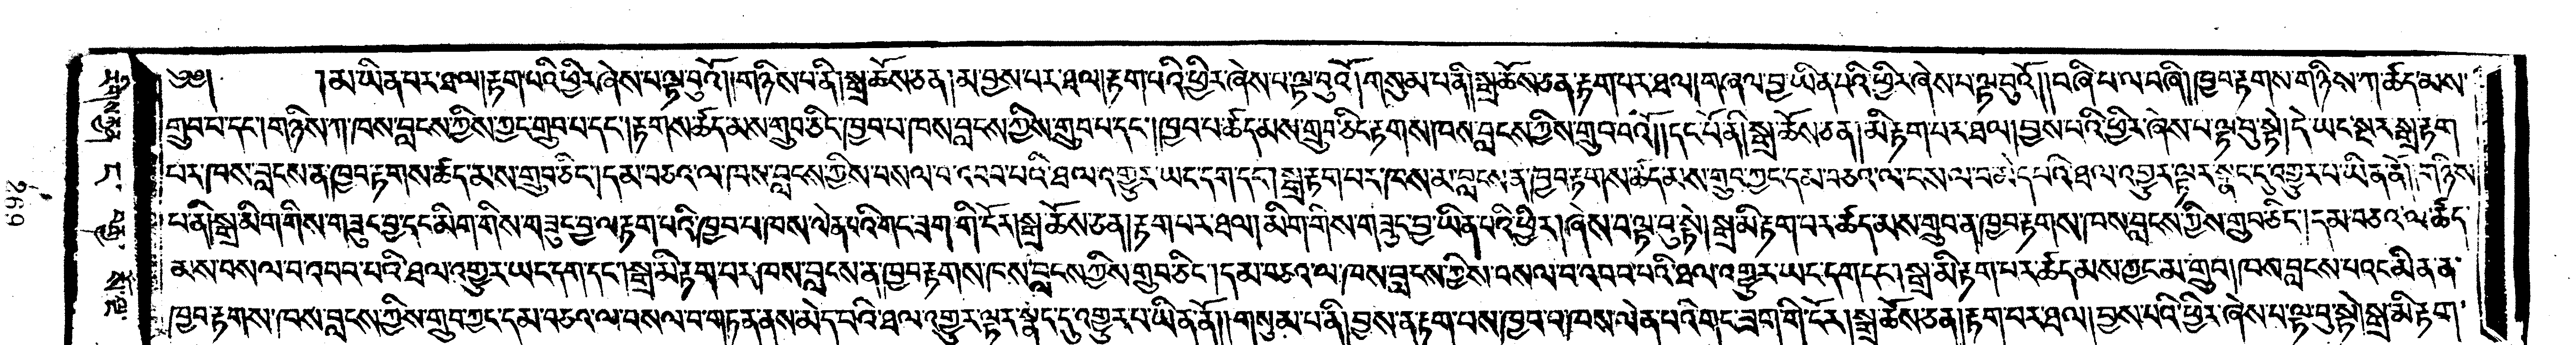༄༅། །མ་ཡིན་པར་ཐལ། རྟག་པའི་ཕྱིར་ཞེས་པ་ལྟ་བུའོ། །གཉིས་པ་ནི། སྒྲ་ཆོས་ཅན། མ་བྱས་པར་ཐལ། རྟག་པའི་ཕྱིར་ཞེས་པ་ལྟ་བུའོ། །གསུམ་པ་ནི། སྒྲ་ཆོས་ཅན། རྟག་པར་ཐལ། གཞལ་བྱ་ཡིན་པའི་ཕྱིར་ཞེས་པ་ལྟ་བུའོ། །བཞི་པ་ལ་བཞི། ཁྱབ་རྟགས་གཉིས་ཀ་ཚད་མས་
གྲུབ་པ་དང་། གཉིས་ཀ་ཁས་བླངས་ཀྱིས་ཀྱང་གྲུབ་པ་དང་། རྟགས་ཚད་མས་གྲུབ་ཅིང་ཁྱབ་པ་ཁས་བླངས་ཀྱིས་གྲུབ་པ་དང་། ཁྱབ་པ་ཚད་མས་གྲུབ་ཅིང་རྟགས་ཁས་བླངས་ཀྱིས་གྲུབ་པའོ། །དང་པོ་ནི། སྒྲ་ཆོས་ཅན། མི་རྟག་པར་ཐལ། བྱས་པའི་ཕྱིར་ཞེས་པ་ལྟ་བུ་སྟེ། དེ་ཡང་སྔར་སྒྲ་རྟག་
པར་ཁས་བླངས་ན་ཁྱབ་རྟགས་ཚད་མས་གྲུབ་ཅིང་། དམ་བཅའ་ལ་ཁས་བླངས་ཀྱིས་བསལ་བ་འབབ་པའི་ཐལ་འགྱུར་ཡང་དག་དང་། སྒྲ་རྟག་པར་ཁས་མ་བླངས་ན་ཁྱབ་རྟགས་ཚད་མས་གྲུབ་ཀྱང་དམ་བཅའ་ལ་བསལ་བ་མེད་པའི་ཐལ་འགྱུར་ལྟར་སྣང་དུ་འགྱུར་བ་ཡིན་ནོ། །གཉིས་
པ་ནི། སྒྲ་མིག་གིས་གཟུང་བྱ་དང་མིག་གིས་གཟུང་བྱ་ལ་རྟག་པའི་ཁྱབ་པ་ཁས་ལེན་པའི་གང་ཟག་གི་ངོར། སྒྲ་ཆོས་ཅན། རྟག་པར་ཐལ། མིག་གིས་གཟུང་བྱ་ཡིན་པའི་ཕྱིར། ཞེས་པ་ལྟ་བུ་སྟེ། སྒྲ་མི་རྟག་པར་ཚད་མས་གྲུབ་ན་ཁྱབ་རྟགས་ཁས་བླངས་ཀྱིས་གྲུབ་ཅིང་། དམ་བཅའ་ལ་ཚད་
མས་བསལ་བ་འབབ་པའི་ཐལ་འགྱུར་ཡང་དག་དང་། སྒྲ་མི་རྟག་པར་ཁས་བླངས་ན་ཁྱབ་རྟགས་ཁས་བླངས་ཀྱིས་གྲུབ་ཅིང་། དམ་བཅའ་ལ་ཁས་བླངས་ཀྱིས་བསལ་བ་འབབ་པའི་ཐལ་འགྱུར་ཡང་དག་དང་། སྒྲ་མི་རྟག་པར་ཚད་མས་ཀྱང་མ་གྲུབ། ཁས་བླངས་པའང་མིན་ན།
ཁྱབ་རྟགས་ཁས་བླངས་ཀྱིས་གྲུབ་ཀྱང་དམ་བཅའ་ལ་བསལ་བ་གཏན་ནས་མེད་པའི་ཐལ་འགྱུར་ལྟར་སྣང་དུ་འགྱུར་བ་ཡིན་ནོ། །གསུམ་པ་ནི། བྱས་ན་རྟག་པས་ཁྱབ་པ་ཁས་ལེན་པའི་གང་ཟག་གི་ངོར། སྒྲ་ཆོས་ཅན། རྟག་པར་ཐལ། བྱས་པའི་ཕྱིར་ཞེས་པ་ལྟ་བུ་སྟེ། སྒྲ་མི་རྟག་